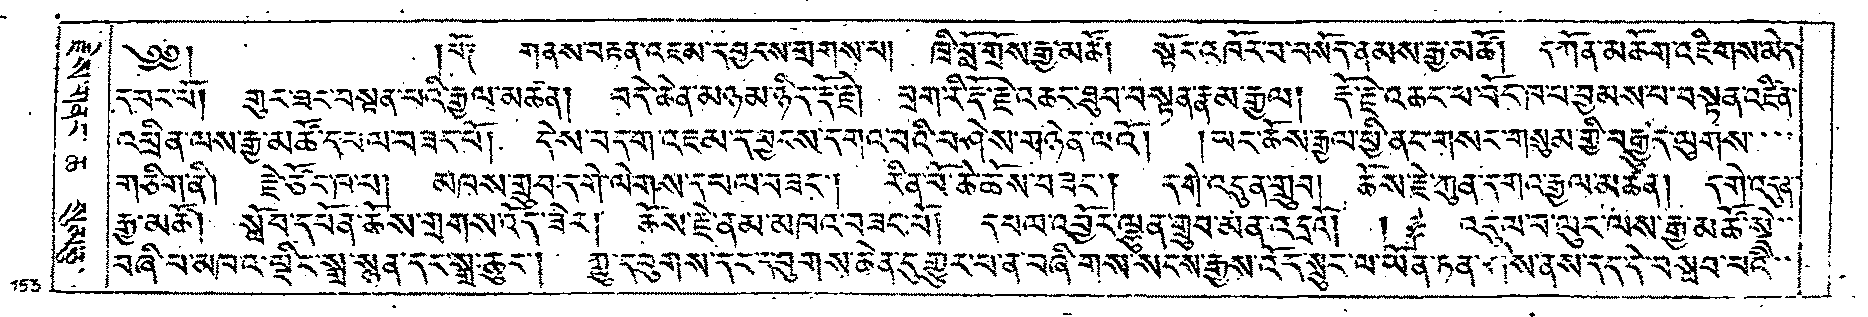༄༅། །པོ། གནས་བརྟན་འཇམ་དབྱངས་གྲགས་པ། ཁྲི་བློ་གྲོས་རྒྱ་མཚོ། སྟོང་འཁོར་བ་བསོད་ནམས་རྒྱ་མཚོ། དཀོན་མཆོག་འཇིགས་མེད་
དབང་པོ། གུང་ཐང་བསྟན་པའི་རྒྱལ་མཚན། བདེ་ཆེན་མཉམ་ཉིད་རྡོ་རྗེ། བྲག་རི་རྡོ་རྗེ་འཆང་ཐུབ་བསྟན་རྣམ་རྒྱལ། རྡོ་རྗེ་འཆང་ཕ་བོང་ཁ་པ་བྱམས་པ་བསྟན་འཛིན་
འཕྲིན་ལས་རྒྱ་མཚོ་དཔལ་བཟང་པོ། དེས་བདག་འཇམ་དབྱངས་དགའ་བའི་བཤེས་གཉེན་ལའོ། །ཡང་ཆོས་རྒྱལ་ཕྱི་ནང་གསང་གསུམ་གྱི་བརྒྱུད་ལུགས་
གཅིག་ནི། རྗེ་ཙོང་ཁ་པ། མཁས་གྲུབ་དགེ་ལེགས་དཔལ་བཟང་། རིན་པོ་ཆེ་ཆོས་བཟང་། དགེ་འདུན་གྲུབ། ཆོས་རྗེ་ཀུན་དགའ་རྒྱལ་མཚན། དགེ་འདུན་
རྒྱ་མཚོ། སློབ་དཔོན་ཆོས་གྲགས་འོད་ཟེར། ཆོས་རྗེ་ནམ་མཁའ་བཟང་པོ། དཔལ་འབྱོར་ལྷུན་གྲུབ་མན་འདྲའོ། །༈ འདུལ་བ་ལུང་ལས་རྒྱ་མཚོ་སྡེ་
བཞི་པ་མཁའ་ལྡིང་སྒྲ་སྙན་དང་སྒྲ་ཆུང་། ཀླུ་དབུགས་དང་དབུགས་ཆེན་དུ་གྱུར་པ་ན་བཞི་གས་སངས་རྒྱས་འོད་སྲུང་ལ་ཡོན་ཏན་ཤེས་ནས་དད་དེ་བསླབ་པའི་